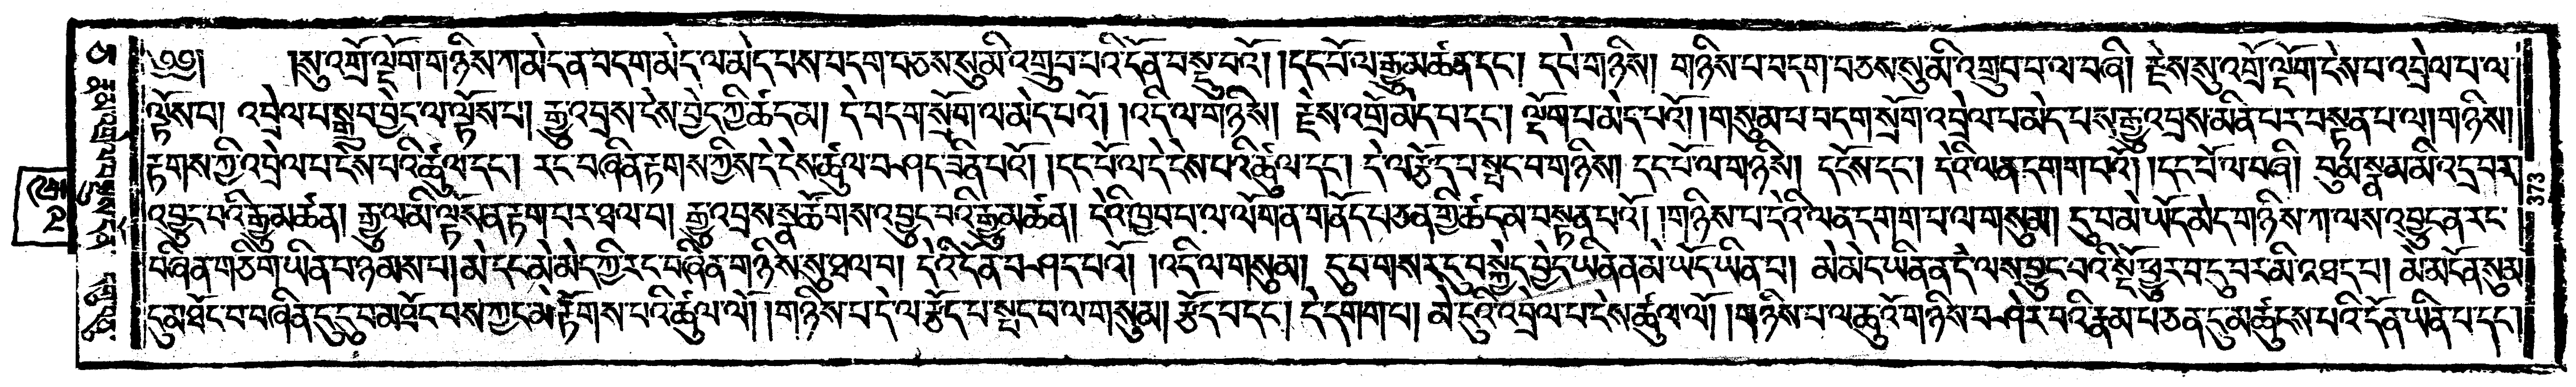༄༅། །སུ་འགྲོ་ལྡོག་གཉིས་ཀ་མེད་ན་བདག་མེད་ལ་མེད་པས་བདག་བཅས་སུ་མི་འགྲུབ་པའི་དོན་བསྡུ་བའོ། །དང་པོ་ལ་རྒྱུ་མཚན་དང་། དཔེ་གཉིས། གཉིས་པ་བདག་བཅས་སུ་མི་འགྲུབ་པ་ལ་བཞི། རྗེས་སུ་འགྲོ་ལྡོག་ངེས་པ་འབྲེལ་པ་ལ་
ལྟོས་པ། འབྲེལ་པ་སྒྲུབ་བྱེད་ལ་ལྟོས་པ། རྒྱུ་འབྲས་ངེས་བྱེད་ཀྱི་ཚད་མ། དེ་བདག་སྲོག་ལ་མེད་པའོ། །འདི་ལ་གཉིས། རྗེས་འགྲོ་མེད་པ་དང་། ལྡོག་པ་མེད་པའོ། །གསུམ་པ་བདག་སྲོག་འབྲེལ་བ་མེད་པས་རྒྱུ་འབྲས་མིན་པར་བསྟན་པ་ལ། གཉིས།
རྟགས་ཀྱི་འབྲེལ་བ་ངེས་པའི་ཚུལ་དང་། རང་བཞིན་རྟགས་ཀྱིས་དེ་ངེས་ཚུལ་བཤད་ཟིན་པའོ། །དང་པོ་ལ་དེ་ངེས་པའི་ཚུལ་དང་། དེ་ལ་རྩོད་པ་སྤང་བ་གཉིས། དང་པོ་ལ་གཉིས། དངོས་དང་། དེའི་ལན་དགག་པའོ། །དང་པོ་ལ་བཞི། བུམ་སྣམ་མི་འདྲ་བར་
འབྱུང་བའི་རྒྱུ་མཚན། རྒྱུ་ལ་མི་ལྟོས་ན་རྟག་པར་ཐལ་བ། རྒྱུ་འབྲས་སྣ་ཚོགས་འབྱུང་བའི་རྒྱུ་མཚན། དེའི་ཁྱབ་པ་ལ་ལོག་ན་གནོད་པ་ཅན་གྱི་ཚད་མ་བསྟན་པའོ། །གཉིས་པ་དེའི་ལན་དགག་པ་ལ་གསུམ། དུ་བ་མེ་ཡོད་མེད་གཉིས་ཀ་ལས་འབྱུང་ན་རང་
བཞིན་གཅིག་ཡིན་པ་ཉམས་པ། མེ་དང་མེ་མེད་ཀྱི་རང་བཞིན་གཉིས་སུ་ཐལ་བ། དེའི་དོན་བཤད་པའོ། །འདི་ལ་གསུམ། དུ་བ་གསར་དུ་བསྐྱེད་བྱེད་ཡིན་ན་མེ་ཡོད་ཡིན་པ། མེ་མེད་ཡིན་ན་དེ་ལས་བྱུང་བའི་སྡོ་ཕྱུར་བ་དུ་བར་མི་འཐད་པ། མེ་མངོན་སུམ་
དུ་མཐོང་བ་བཞིན་དུ་དུ་བ་མཐོང་བས་ཀྱང་མེ་རྟོགས་པའི་ཚུལ་ལོ། །གཉིས་པ་དེ་ལ་རྩོད་པ་སྤང་པ་ལ་གསུམ། རྩོད་པ་དང་། དེ་དགག་པ། མེ་དུའི་འབྲེལ་བ་ངེས་ཚུལ་ལོ། །གཉིས་པ་ལ་ཆུ་འོ་གཉིས་བཤེར་པའི་རྣམ་པ་ཅན་དུ་མཚུངས་པའི་དོན་ཡིན་པ་དང་།